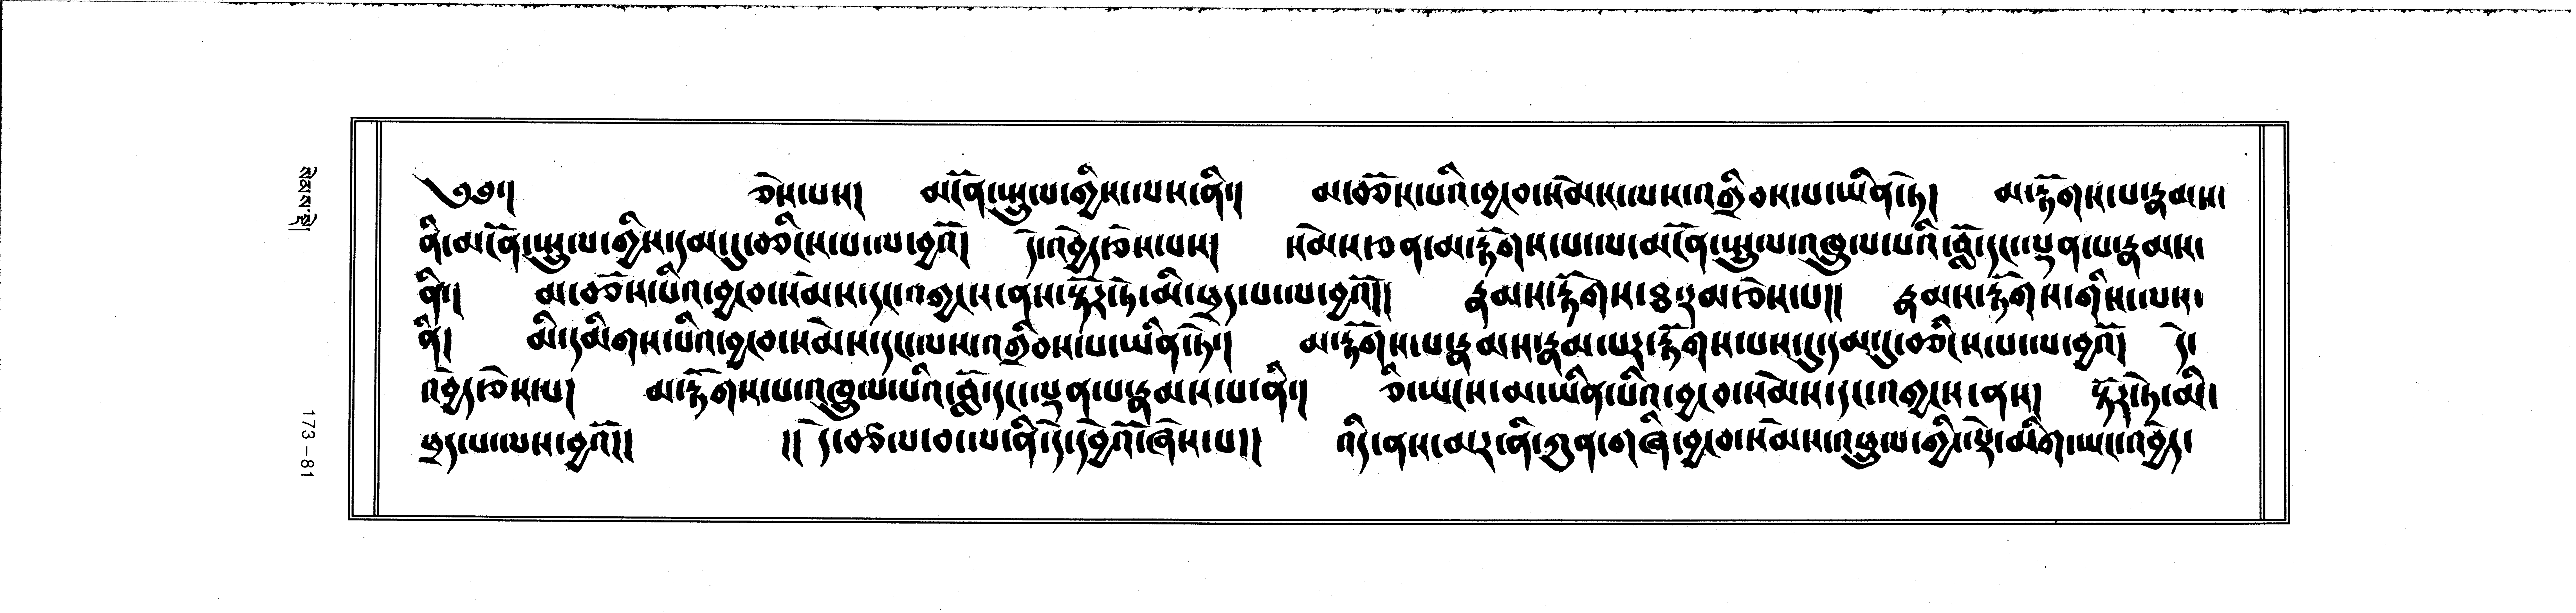ཅེས་པས། མངོན་སྤྲུལ་གྱི་ལས་ནི། མ་བཅོས་པའི་བྱང་ཆུབ་སེམས་ལས་འགྲིབས་པ་ཡིན་ཏེ། མ་རྟོགས་པ་རྣམས་
ནི་མངོན་སྤྲུལ་གྱིས་དམ་དུ་བཅིངས་པ་ལ་བྱའོ། །དེ་འབྱེད་ཅེས་པས། སེམས་ཅན་མ་རྟོགས་པ་ལ་མངོན་སྤྲུལ་འཁྲུལ་པའི་བློ་དང་ལྡན་པ་རྣམས་
ནི། མ་བཅོས་པའི་བྱང་ཆུབ་སེམས་དང་འགྱངས་ནས་སྟོར་ཏེ་མི་འཕྲད་པ་ལ་བྱའོ། །རྣམ་རྟོག་ཐ་རམ་ཅེས་པ། རྣམ་རྟོག་གི་ལས་
ནི། མི་དམིགས་པའི་བྱང་ཆུབ་སེམས་དང་ལས་འགྲིབ་པ་ཡིན་ཏེ། མ་རྟོགས་པ་རྣམས་རྣམ་པར་རྟོག་པས་དམ་དུ་བཅིངས་པ་ལ་བྱའོ། །དེ་
འབྱེད་ཅེས་པ། མ་རྟོགས་པ་འཁྲུལ་པའི་བློ་དང་ལྡན་པ་རྣམས་ནི། ཅི་ཡང་མ་ཡིན་པའི་བྱང་ཆུབ་སེམས་དང་འགྱངས་ནས། སྟོར་ཏེ་མི་
འཕྲད་པ་ལ་བྱའོ། །དེ་བཙལ་བ་ལ་ནི་དབྱེའོ་ཞེས་པ། འདི་ནས་མར་ནི་ཀུན་གཞི་བྱང་ཆུབ་སེམས་འཕྲུལ་གྱི་ལྡེ་མིག་ཡང་འབྱེད་